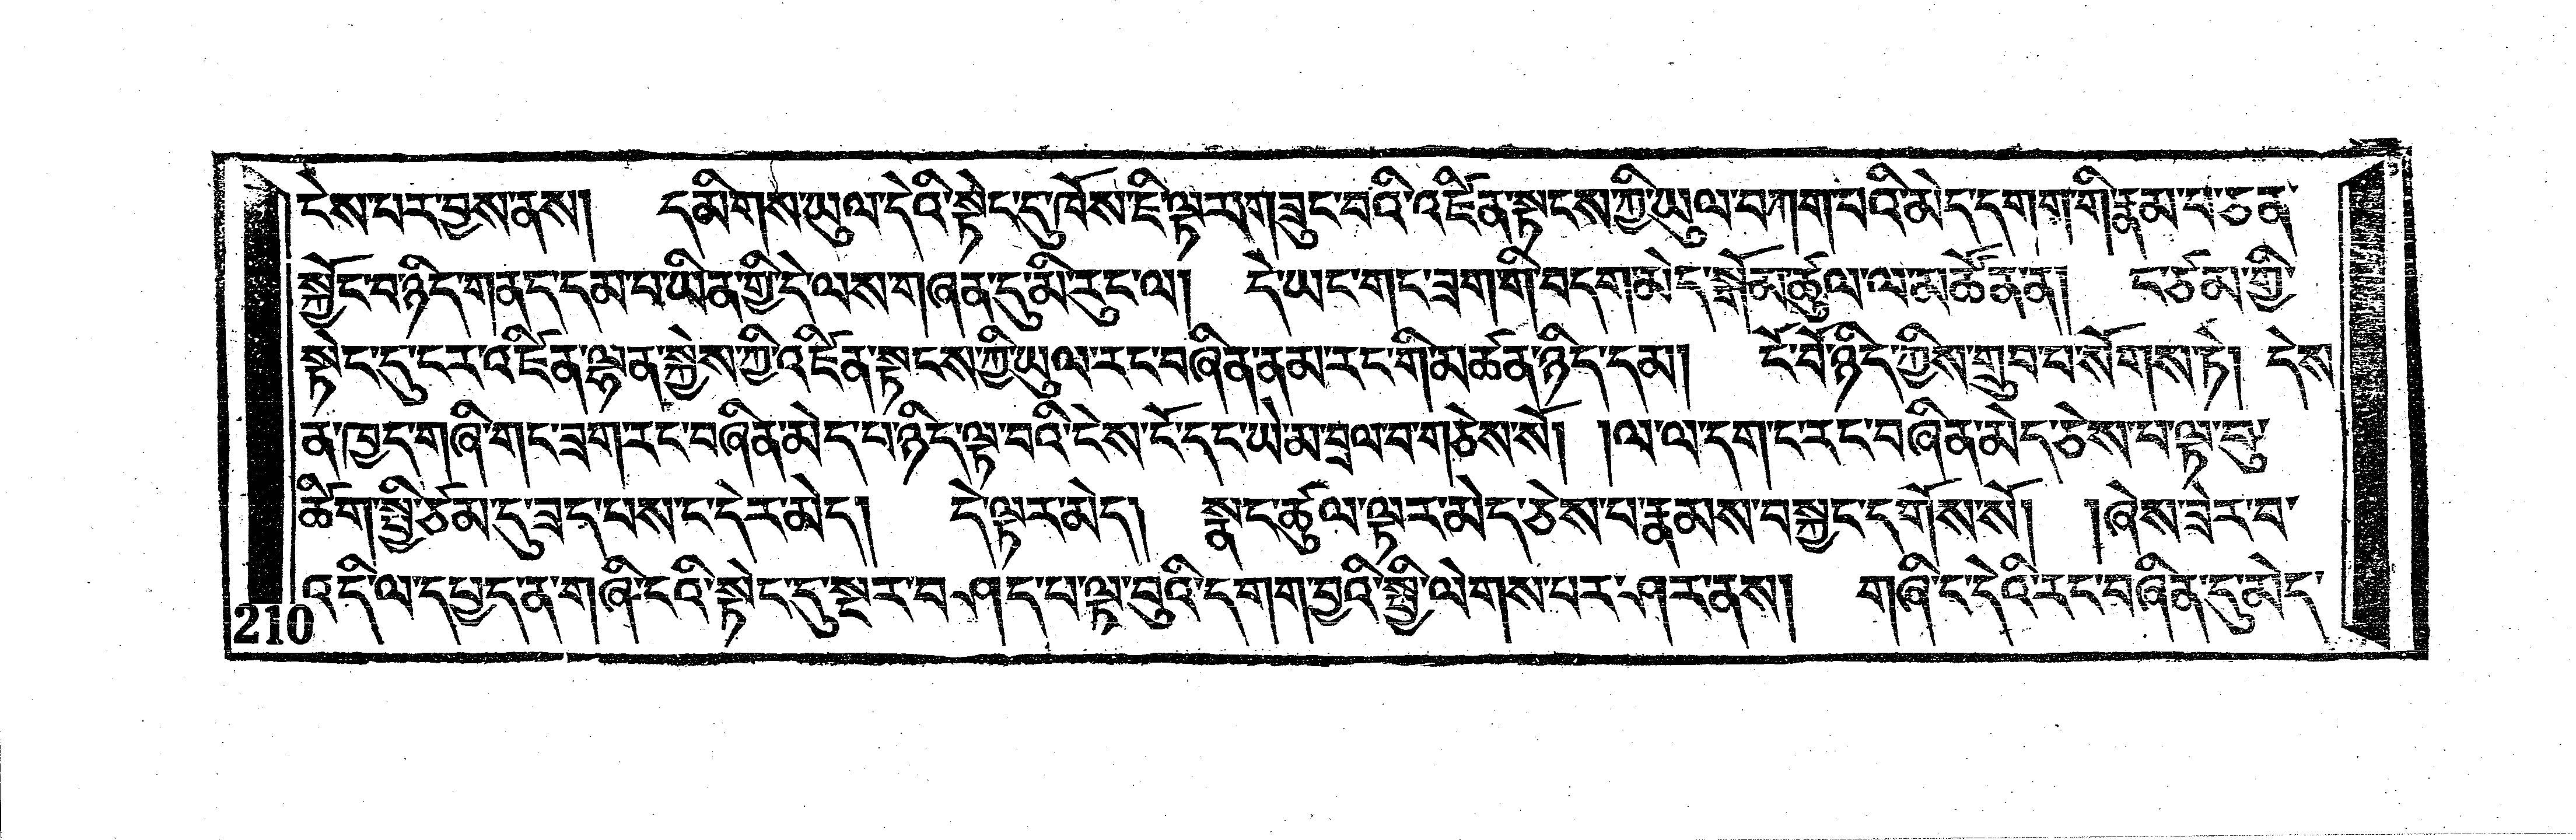ངེས་པར་བྱས་ནས། དམིགས་ཡུལ་དེའི་སྟེང་དུ་ཁོས་ཇི་ལྟར་གཟུང་བའི་འཛིན་སྟངས་ཀྱི་ཡུལ་བཀག་པའི་མེད་དགག་གི་རྣམ་པ་ཅན་
སྐྱོང་བ་ཉིད་གནད་དམ་པ་ཡིན་གྱི་དེ་ལས་གཞན་དུ་མི་རུང་ལ། དེ་ཡང་གང་ཟག་གི་བདག་མེད་སྒོམ་ཚུལ་ལ་མཚོན་ན། ང་ཙམ་གྱི་
སྟེང་དུ་ངར་འཛིན་ལྷན་སྐྱེས་ཀྱི་འཛིན་སྟངས་ཀྱི་ཡུལ་རང་བཞིན་ནམ་རང་གི་མཚན་ཉིད་དམ། ངོ་བོ་ཉིད་ཀྱིས་གྲུབ་པ་སོགས་ཏེ། དེས་
ན་ཁྱད་གཞི་གང་ཟག་རང་བཞིན་མེད་པ་ཉིད་ལྟ་བའི་ངེས་ངོ་དང་ཡེ་མ་བྲལ་བ་གཅེས་སོ། །ལ་ལ་དག་ང་རང་བཞིན་མེད་ཅེས་པ་ལྟ་བུ་
ཚིག་སྤྱི་ཙམ་དུ་ཟད་པས་ང་དེར་མེད། དེ་ལྟར་མེད། སྣང་ཚུལ་ལྟར་མེད་ཅེས་པ་རྣམས་བསྐྱང་དགོས་སོ། །ཞེས་ཟེར་བ་
འདི་ལ་དཔྱད་ན་གཞི་ངའི་སྟེང་དུ་སྔར་བཤད་པ་ལྟ་བུའི་དགག་བྱའི་སྤྱི་ལེགས་པར་ཤར་ནས། གཞི་ང་དེའི་རང་བཞིན་དུ་མེད་